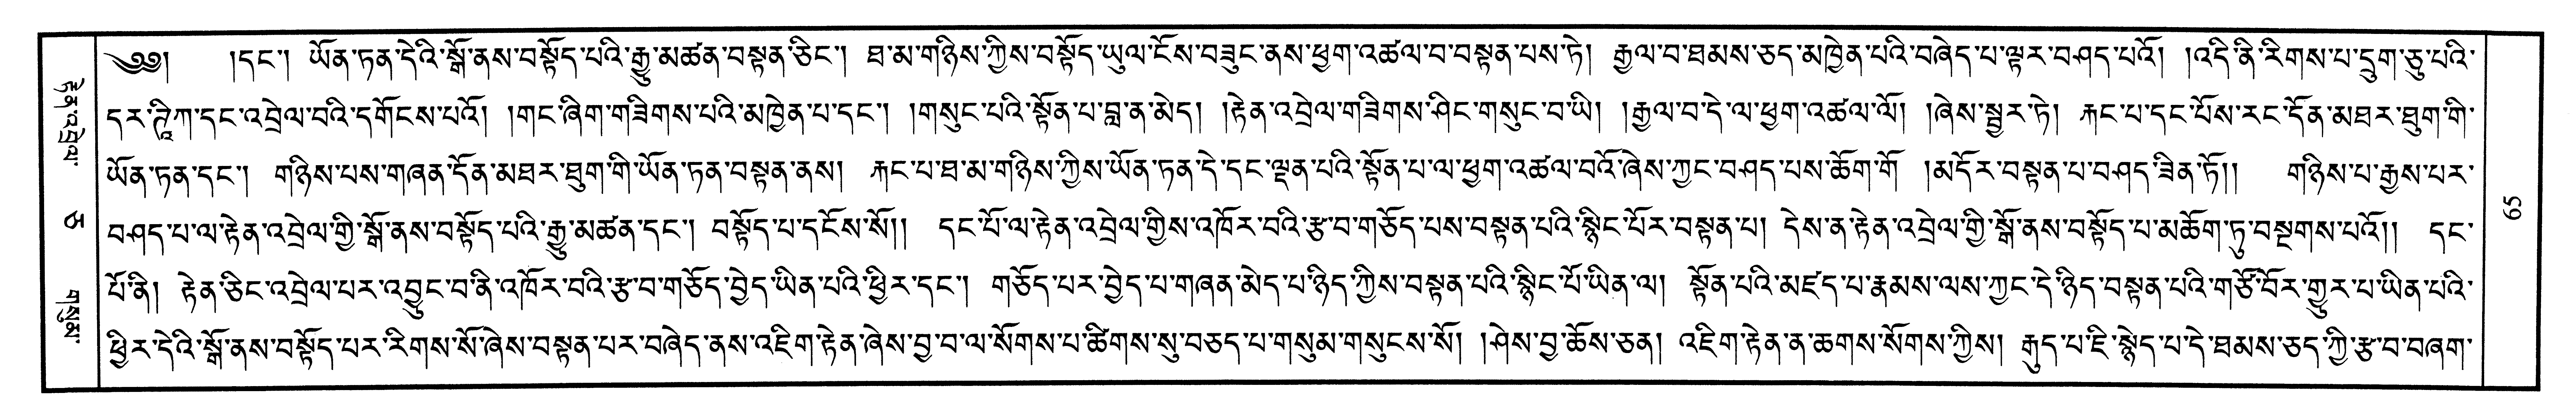༄༅། །དང་། ཡོན་ཏན་དེའི་སྒོ་ནས་བསྟོད་པའི་རྒྱུ་མཚན་བསྟན་ཅིང་། ཐ་མ་གཉིས་ཀྱིས་བསྟོད་ཡུལ་ངོས་བཟུང་ནས་ཕྱག་འཚལ་བ་བསྟན་པས་ཏེ། རྒྱལ་བ་ཐམས་ཅད་མཁྱེན་པའི་བཞེད་པ་ལྟར་བཤད་པའོ། །འདི་ནི་རིགས་པ་དྲུག་ཅུ་པའི་
དར་ཊཱིཀ་དང་འབྲེལ་བའི་དགོངས་པའོ། །གང་ཞིག་གཟིགས་པའི་མཁྱེན་པ་དང་། །གསུང་པའི་སྟོན་པ་བླ་ན་མེད། །རྟེན་འབྲེལ་གཟིགས་ཤིང་གསུང་བ་ཡི། །རྒྱལ་བ་དེ་ལ་ཕྱག་འཚལ་ལོ། །ཞེས་སྦྱར་ཏེ། རྐང་པ་དང་པོས་རང་དོན་མཐར་ཐུག་གི་
ཡོན་ཏན་དང་། གཉིས་པས་གཞན་དོན་མཐར་ཐུག་གི་ཡོན་ཏན་བསྟན་ནས། རྐང་པ་ཐ་མ་གཉིས་ཀྱིས་ཡོན་ཏན་དེ་དང་ལྡན་པའི་སྟོན་པ་ལ་ཕྱག་འཚལ་བའོ་ཞེས་ཀྱང་བཤད་པས་ཆོག་གོ །མདོར་བསྟན་པ་བཤད་ཟིན་ཏོ།། གཉིས་པ་རྒྱས་པར་
བཤད་པ་ལ་རྟེན་འབྲེལ་གྱི་སྒོ་ནས་བསྟོད་པའི་རྒྱུ་མཚན་དང་། བསྟོད་པ་དངོས་སོ།། དང་པོ་ལ་རྟེན་འབྲེལ་གྱིས་འཁོར་བའི་རྩ་བ་གཅོད་པས་བསྟན་པའི་སྙིང་པོར་བསྟན་པ། དེས་ན་རྟེན་འབྲེལ་གྱི་སྒོ་ནས་བསྟོད་པ་མཆོག་ཏུ་བསྔགས་པའོ།། དང་
པོ་ནི། རྟེན་ཅིང་འབྲེལ་པར་འབྱུང་བ་ནི་འཁོར་བའི་རྩ་བ་གཅོད་བྱེད་ཡིན་པའི་ཕྱིར་དང་། གཅོད་པར་བྱེད་པ་གཞན་མེད་པ་ཉིད་ཀྱིས་བསྟན་པའི་སྙིང་པོ་ཡིན་ལ། སྟོན་པའི་མཛད་པ་རྣམས་ལས་ཀྱང་དེ་ཉིད་བསྟན་པའི་གཙོ་བོར་གྱུར་པ་ཡིན་པའི་
ཕྱིར་དེའི་སྒོ་ནས་བསྟོད་པར་རིགས་སོ་ཞེས་བསྟན་པར་བཞེད་ནས་འཇིག་རྟེན་ཞེས་བྱ་བ་ལ་སོགས་པ་ཚིགས་སུ་བཅད་པ་གསུམ་གསུངས་སོ། །ཤེས་བྱ་ཆོས་ཅན། འཇིག་རྟེན་ན་ཆགས་སོགས་ཀྱིས། རྒུད་པ་ཇི་སྙེད་པ་དེ་ཐམས་ཅད་ཀྱི་རྩ་བ་བཞག་